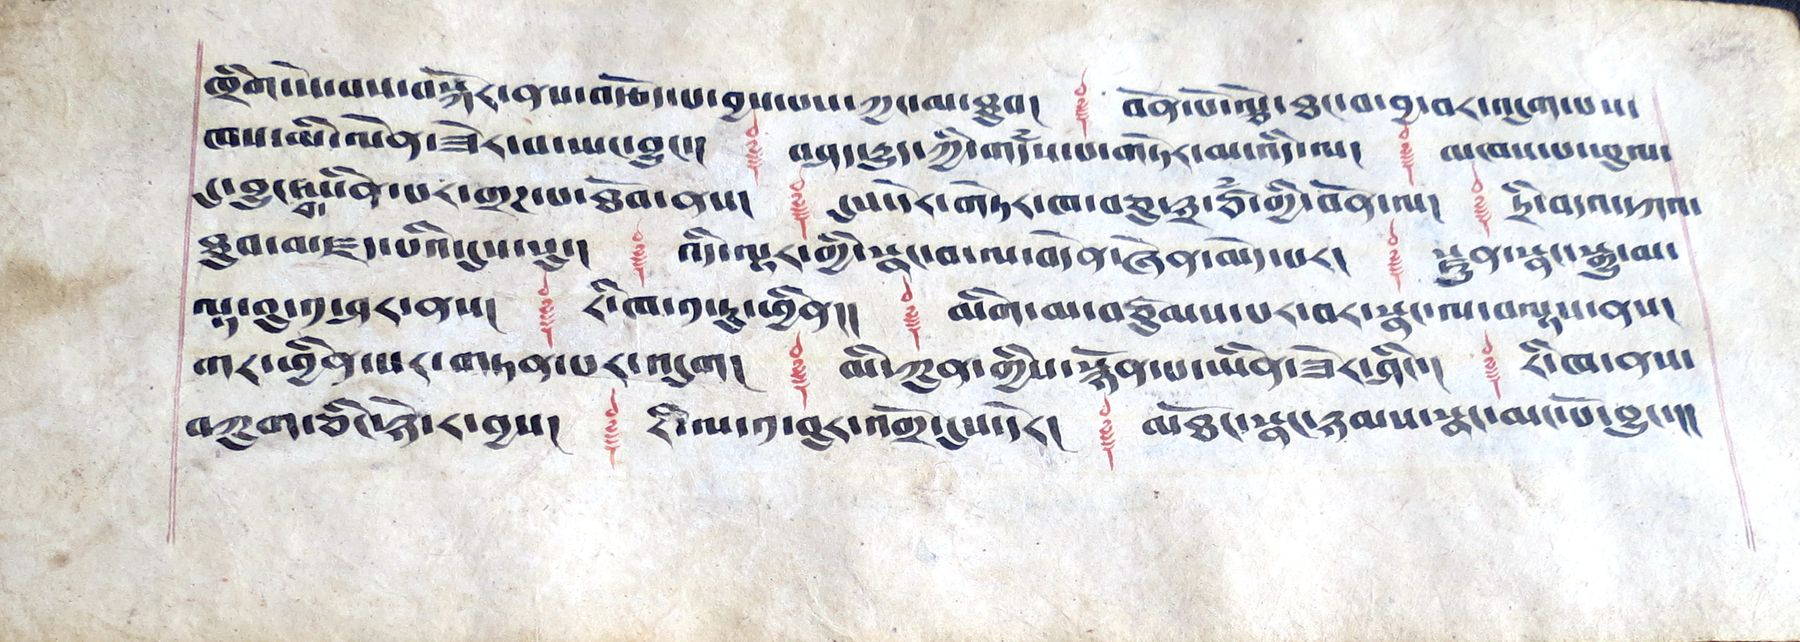ཁྲིགས་སེ་བར་བསྐོར་ནས་རྩོད་པ་བྱས་ཏེ་མ་ཐུབ། བོན་པོ་ལྕེ་ཐང་བ་བྱ་བར་འདུག་པས་
ཁས་མི་ལེན་ཟེར་བ་ཡང་བྱུང་། བཤད་རྒྱུད་ཀྱི་གདམས་པ་གཏེར་མ་འདི་ལ། མཁས་པ་ཕུལ་
དུ་བྱུང་བ་ཡིན་པར་གྲགས་པ་ཐོབ་ནས། དུས་དེར་གཏེར་ཁ་བཅུ་གསུམ་ཙམ་གྱི་བོན་ལ། དྲི་གདའ་དཀའ་
ཐུབ་མཛད་པའི་དུས་སུ། འདི་ལྟར་གྱི་སྣང་བ་བདེན་ཞེན་མེད་པར། རྫུན་སྣང་སྒྱུ་མ་
ལྟ་བུར་ཤེས་ནས་རི་ཁ་གཅིག་ཏུ་ཕྱིན། མིག་མ་བཙུམ་པར་བར་སྣང་ལ་བལྟས་ནས། 
གར་ཕྱིན་སར་གཏན་པར་འདུག མི་ཀུན་གྱིས་བསྙོན་པ་ཡིན་ཟེར་ཞིང་། རི་ཁ་ནས་
བཀུག་ཅིང་ཉ་ར་བྱས། རི་ལ་གཅིག་པུར་འགྲོ་དུས་དེར། མཐོང་སྣང་ཉམས་སྣང་མང་པོ་བྱུང་།